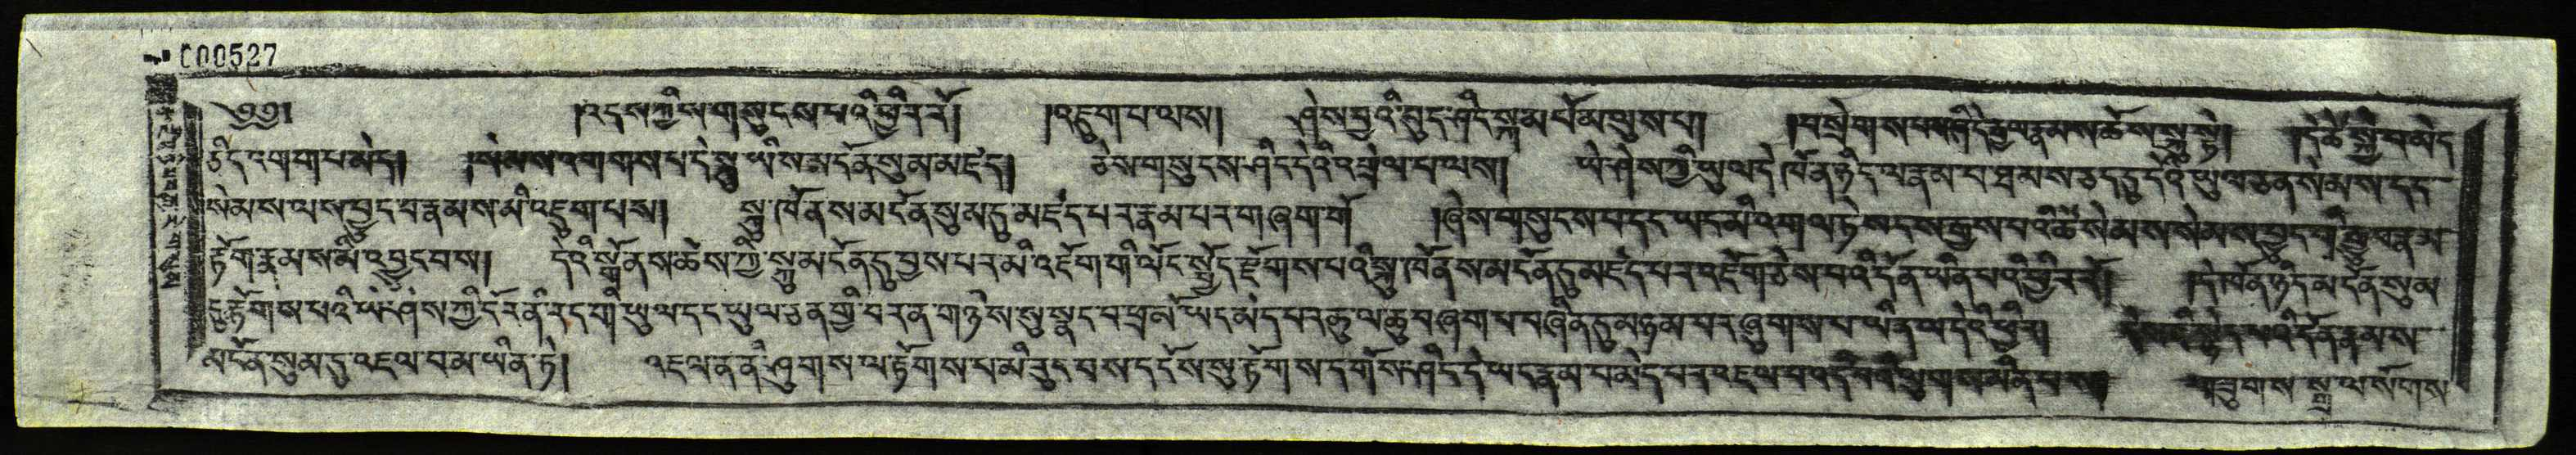༄༅། །འདས་ཀྱིས་གསུངས་པའི་ཕྱིར་རོ། །འཇུག་པ་ལས། ཤེས་བྱའི་བུད་ཤིང་སྐ་མ་པོ་མ་ལུས་པ། །བསྲེགས་པ་བཞི་དེ་རྒྱལ་རྣམས་ཆོས་སྐུ་སྟེ། །དེ་ཚེ་སྐྱེ་བ་མེད་
ཅིང་འགག་པ་མེད། །སེམས་འགགས་པ་དེ་སྐུ་ཡིས་མངོན་སུམ་མཛད། ཅེས་གསུངས་ཤིང་དེའི་འགྲེལ་པ་ལས། ཡེ་ཤེས་ཀྱི་ཡུལ་དེ་ཁོ་ན་ཉིད་ལ་རྣམ་པ་ཐམས་ཅད་དུ་དེའི་ཡུལ་ཅན་སེམས་དང་
སེམས་ལས་བྱུང་བ་རྣམས་མི་འཇུག་པས། སྐུ་ཁོ་ནས་མངོན་སུམ་དུ་མཛད་པར་རྣམ་པར་གཞག་གོ །ཞེས་གསུངས་པ་དང་ཡང་མི་འགལ་ཏེ་སངས་རྒྱས་པའི་ཚེ་སེམས་སེམས་བྱུང་གི་རྒྱུས་རྣམ་
རྟོག་རྣམས་མི་འབྱུང་བས། དེའི་སྒོ་ནས་ཆོས་ཀྱི་སྐུ་མངོན་དུ་བྱས་པར་མི་འཇོག་གི་ལོང་སྤྱོད་རྫོགས་པའི་སྐུ་ཁོ་ནས་མངོན་དུ་མཛད་པར་འཇོག་ཅེས་པའི་དོན་ཡིན་པའི་ཕྱིར་རོ། །དེ་ཁོ་ན་ཉིད་མངོན་སུམ་
དུ་རྟོགས་པའི་ཡེ་ཤེས་ཀྱི་དོར་ནི་རང་གི་ཡུལ་དང་ཡུལ་ཅན་གྱི་བར་ན་གཉིས་སུ་སྣང་བ་ཕྲ་མོ་ཡང་མེད་པར་ཆུ་ལ་ཆུ་བཞག་པ་བཞིན་དུ་མཉམ་བར་ཞུགས་པ་ཡིན་ལ་དེའི་ཕྱིར། དེས་ཇི་སྙེད་པའི་དོན་རྣམས་
མངོན་སུམ་དུ་འཇལ་བ་མ་ཡིན་ཏེ། འཇལ་ན་ནི་ཤུགས་ལ་རྟོགས་པ་མི་རུང་བས་དངོས་སུ་རྟོགས་དགོས་ཤིང་དེ་ཡང་རྣམ་པ་མེད་པར་འཇལ་བ་འདི་བའི་ལུགས་མིན་བས། གཟུགས་སྒྲ་ལ་སོགས་